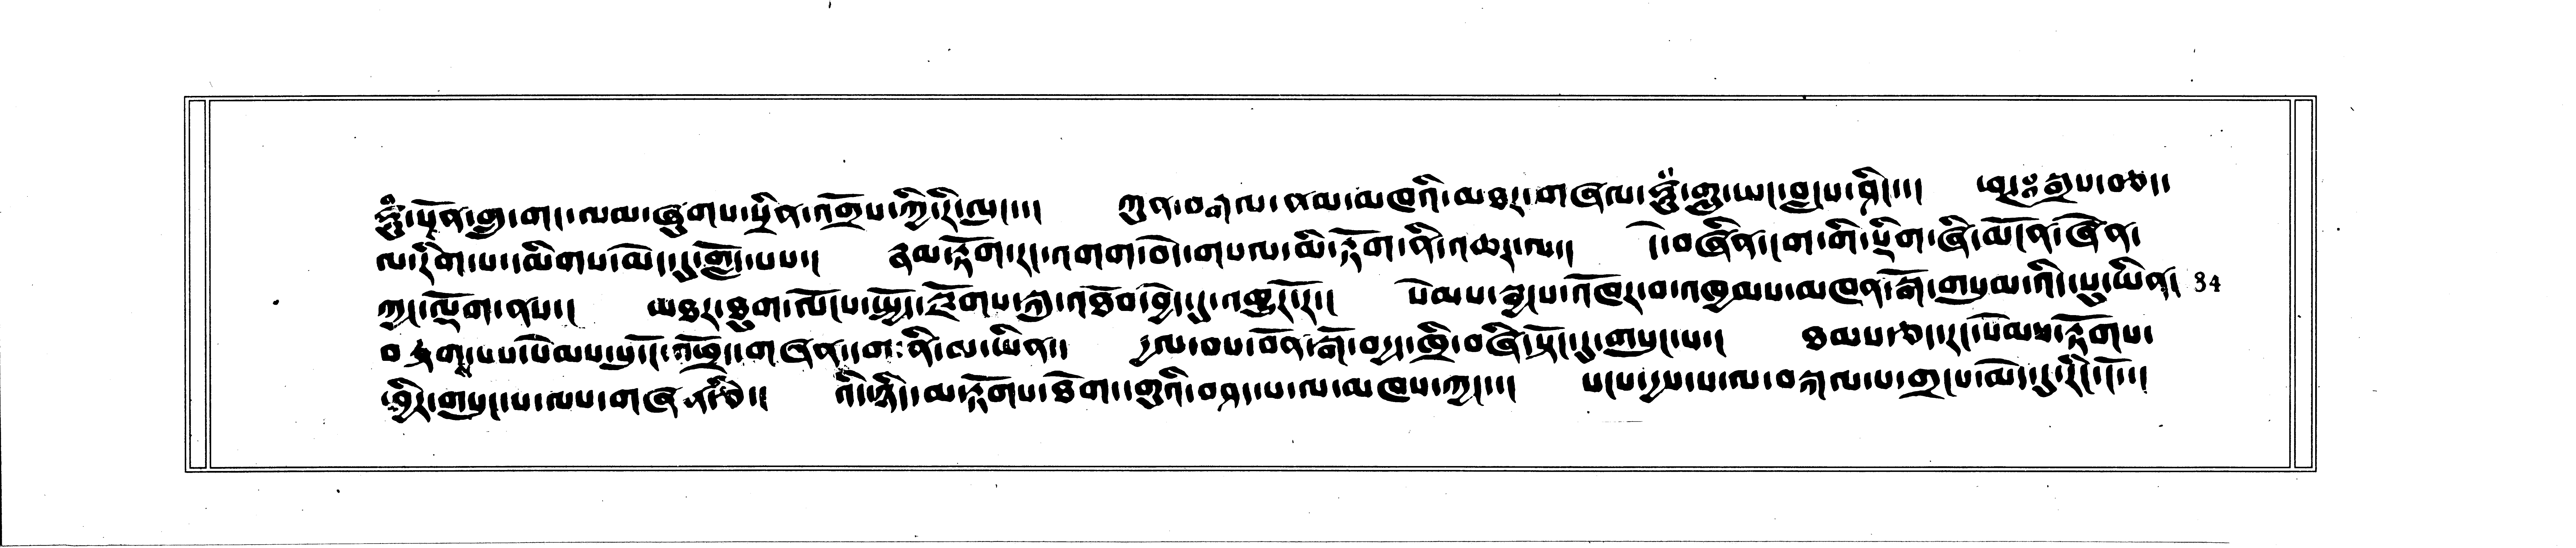ཧཱུཾ་སྔོན་གྲུ་གང་ལམ་ཞུགས་སྲིན་འགྲོས་ཀྱི་རི་ལུང་། །ཀུན་བརྒལ་ནམ་མཁའི་མཐར་གཞལ་ཧཱུཾ་གླུ་ཡང་བླངས་ཤིང་། །ཕཊཿསྒྲས་བཅད་
ལ་རིག་པ་དམིགས་མེད་དུ་གློད་པས། །རྣམ་རྟོག་རང་འགག་བདེ་གསལ་མི་རྟོག་ནི་འཆར་ལ། །དེ་བཞིན་ངག་གི་སྡིག་ཞི་མངོན་ཞེན་
ཀྱང་ལྡོག་ནས། །མཐར་ཐུག་ལོངས་སྤྱོད་རྫོགས་སྐུ་ཐོབ་བྱེད་དུ་འགྱུར་རོ། །༧ སེམས་སྦྱང་འཁོར་བ་འཁྱམས་མཁན་སྒོ་གསུམ་འདི་སུ་ཡིན། 
།བརྟགས་པས་སེམས་སུ་ངོ་འཕྲོད་གཞན་དག་ནི་མ་ཡིན། །རྒྱལ་བས་བོན་སྒོ་བརྒྱད་ཁྲི་བཞི་སྟོང་དུ་གསུངས་པ། །ཐམས་ཅད་རང་སེམས་རྟོགས་
ཕྱིར་གསུངས་པ་ལས་གཞན་ཅི། །འདི་ཉིད་མ་རྟོགས་ཐེག་དགུའི་བཤད་པ་ལ་མཁས་ཀྱང་། །སངས་རྒྱས་ས་ལ་བསྐལ་པ་གྲངས་མེད་དུ་རིང་ངོ་། །